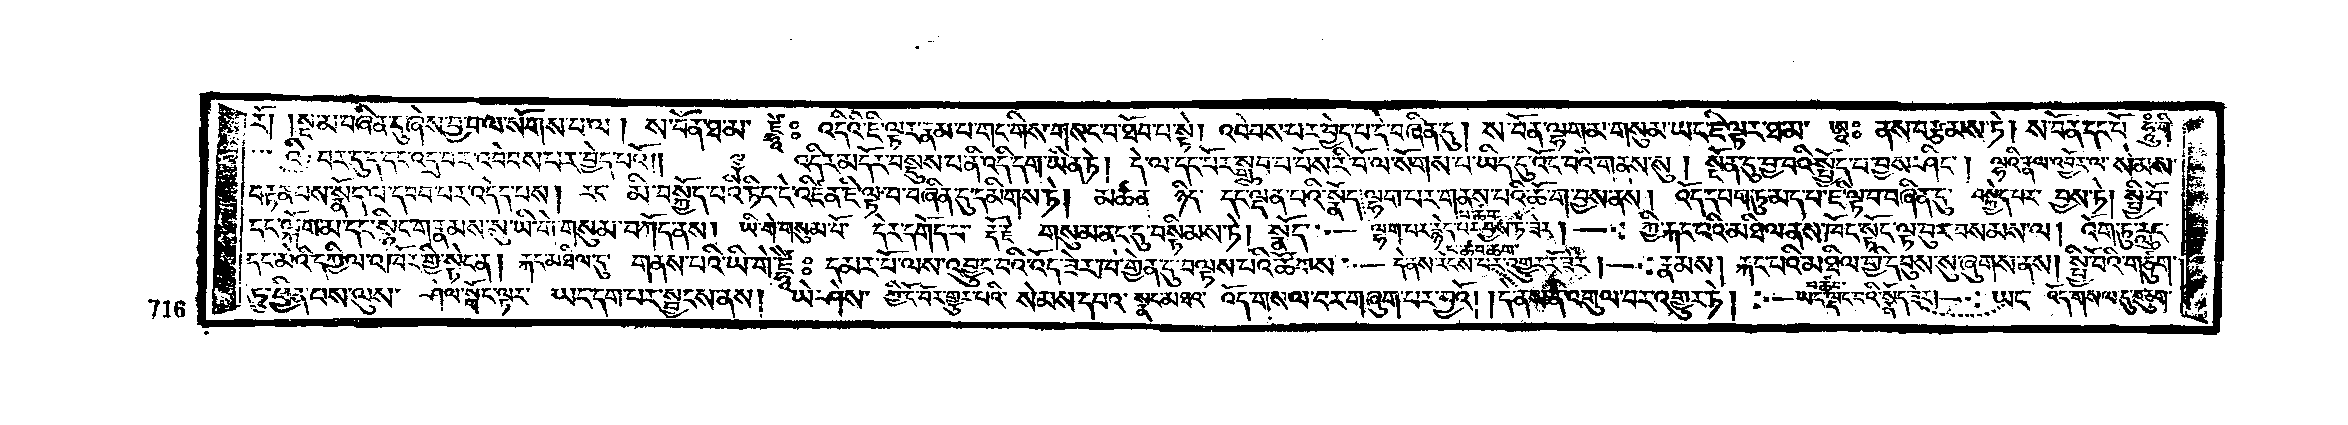རོ། །སྔ་མ་བཞིན་དུ་ཞེས་བྱ་བ་ལ་སོགས་པ་ལ། ས་བོན་ཐ་མ་ཛྷEཨེཿ འདིའི་ཇི་ལྟར་རྣམ་པ་གང་གིས་གསང་བ་ཐོབ་པ་སྟེ། འབེབས་པར་བྱེད་པ་དེ་བཞིན་དུ། ས་བོན་ལྷག་མ་གསུམ་ཡང་ཇི་ལྟར་ཐ་མ་ཨཱཿ ནས་བརྩམས་ཏེ། ས་བོན་དང་པོ་ཧཱུཾ་གི་
འི་བར་དུ་དེ་དང་འདྲ་བར་འབེབས་པར་བྱེད་པའོ།། ༈ འདིར་མདོར་བསྡུས་པ་ནི་འདི་དག་ཡིན་ཏེ། དེ་ལ་དང་པོར་སྒྲུབ་པ་པོས་རི་བོ་ལ་སོགས་པ་ཡིད་དུ་འོང་བའི་གནས་སུ། སྔོན་དུ་བྱ་བའི་སྤྱོད་པ་བྱས་ཤིང་། ལྷའི་རྣལ་འབྱོར་ལ་སེམས་
བརྟན་པས་སྣོད་ལ་དབབ་པར་འདོད་པས། རང་མི་བསྐྱོད་པའི་ཏིང་ངེ་འཛིན་ཇི་ལྟ་བ་བཞིན་དུ་དམིགས་ཏེ། མཚན་ཉིད་དང་ལྡན་པའི་སྣོད་ལྷག་པར་གནས་པའི་ཆོ་ག་བྱས་ནས། འོད་དཔག་ཏུ་མེད་པ་ཇི་ལྟ་བ་བཞིན་དུ་བསྐྱེད་པར་བྱས་ཏེ། སྤྱི་བོ་
དང་ལྐོག་མ་དང་སྙིང་ག་རྣམས་སུ་ཡི་གེ་གསུམ་བཀོད་ནས། ཡི་གེ་གསུམ་པོ་དེར་དགོད་པ་རྡོ་རྗེ་གསུམ་ནང་དུ་བསྟིམས་ཏེ། སྣོད་ལྷག་པར་རྙེད་པར་པ་ཚབ་བྱས་ཏེ་ཟེར།  ཀྱི་རྐང་པའི་མཐིལ་ནས་ཁོང་སྟོང་ལྟ་བུར་བསམས་ལ། འོག་ཏུ་རླུང་
དང་མེའི་དཀྱིལ་འཁོར་གྱི་སྟེང་ན། རྐང་མཐིལ་དུ་གནས་པའི་ཡི་གེ་ཛྷEཨེཿ དམར་པོ་ལས་འབྱུང་བའི་འོད་ཟེར་ཁ་གྱེན་དུ་བལྟས་པའི་ཚོགསཿ་དེ་ནས་རེངས་པ་ཚབ་ཆག་པར་འགྱུར་རོ་ཟེར། .H རྣམས། རྐང་པའི་མཐིལ་གྱི་དབུས་སུ་ཞུགས་ནས། སྤྱི་བོའི་གཙུག་
ཏུ་ཕྱིན་པས་ལུས་ཤེལ་སྒོང་ལྟར་ཡང་དག་པར་སྦྱངས་ནས། ཡེ་ཤེས་ཀྱི་ངོ་བོར་གྱུར་པའི་སེམས་དཔའ་སྣང་མཐའ་འོད་གསལ་བར་གཞུག་པར་བྱའོ། །དེ་ནས་ནི་འགུལ་བར་འགྱུར་ཏེ། ཡང་པ་ཚབ་ལྡང་བའི་སྣོད་ཟེར། .H ཡང་འོད་གསལ་དུ་བཅུག་